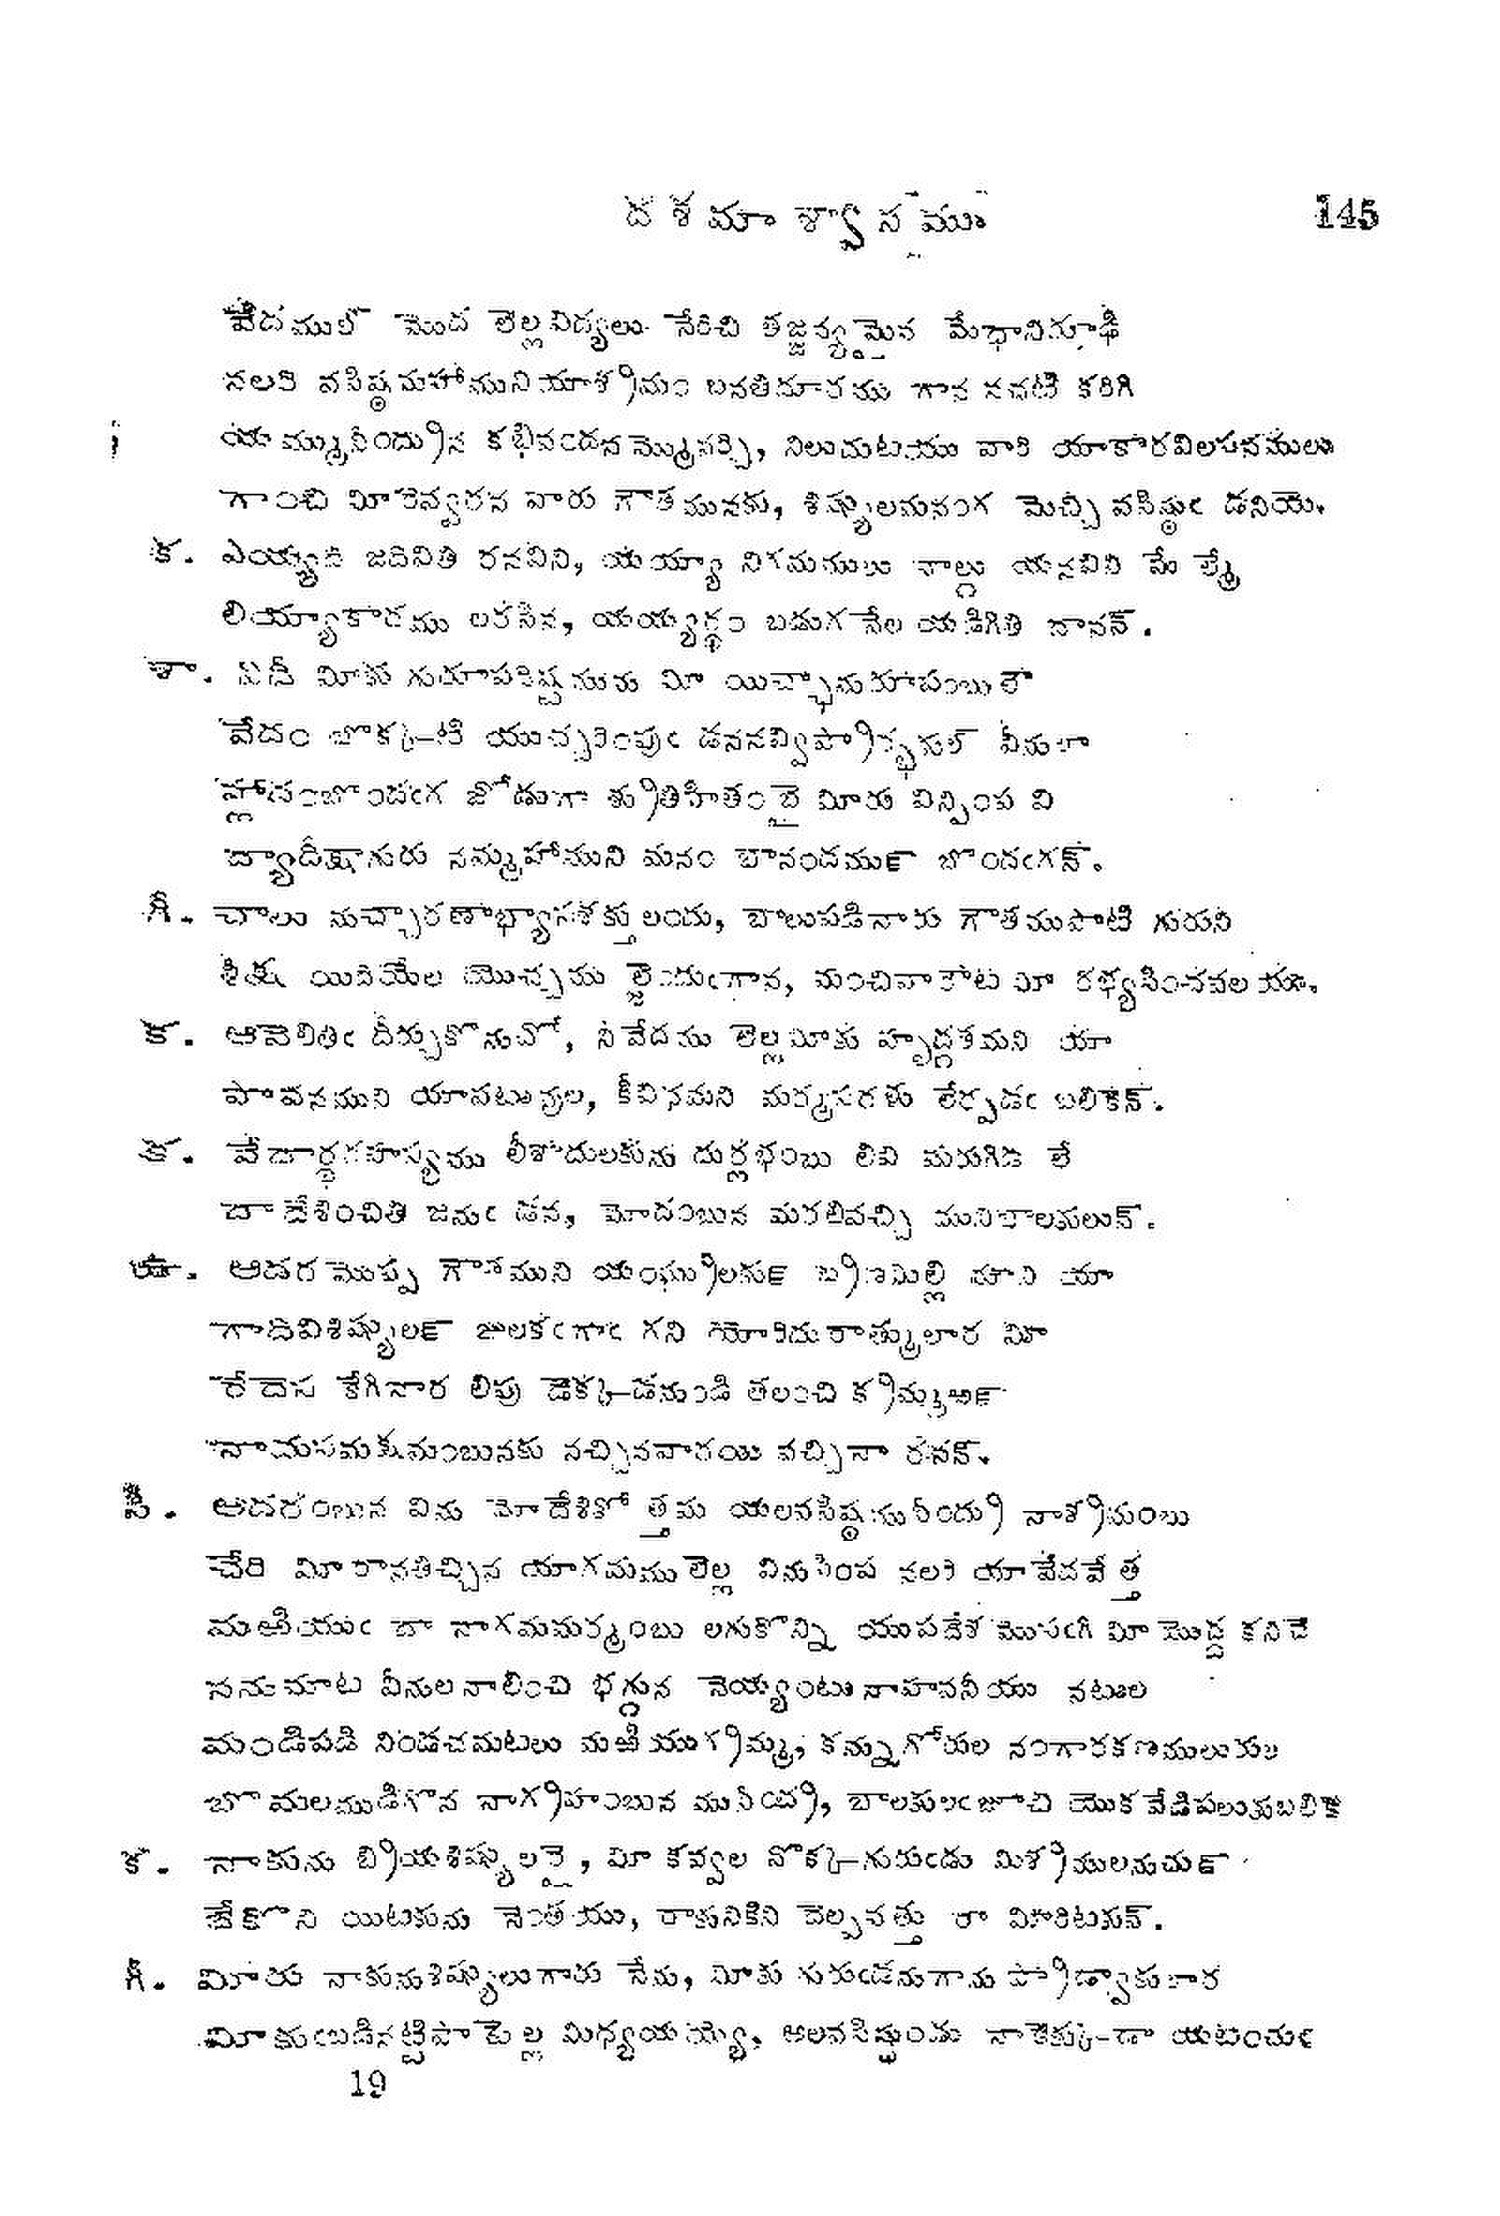వేదముల్ మొద లెల్లవిద్యలు నేరిచి తజ్జన్యమైన మేధానిరూఢి
 నలరి వసిష్ఠమహామునియాశ్రమం బనతిదూరము గాన నచటి కరిగి
 యమ్మునీంద్రున కభినందన మ్మొనర్చి, నిలుచుటయు వారి యాకారవిలసనములు
 గాంచి మీ రెవ్వరన వారు గౌతమునకు, శిష్యుల మనంగ మెచ్చి వసిష్ఠుఁ డనియె.
క. ఎయ్యది జదివితి రనవిని, యయ్యా నిగమములు నాల్గు యనవిని మే ల్మే
 లియ్యాకారము లరసిన, యయ్యర్థం బడుగ నేల యడిగితి దానన్.
శా. ఏదీ మీకు గురూపరిష్టమును మీ యిచ్ఛానురూపంబులౌ
 వేదం బొక్కటి యుచ్చరింపుఁ డన నవ్విప్రార్భకుల్ వీనులా
 హ్లాదం బొందఁగ జోడుగా శుతిహితంబై మీకు విన్పింప వి
 ద్యాదీక్షాగురు నమ్మహాముని మనం బానందమున్ బొందఁగన్.
గీ. చాలు నుచ్చారణాభ్యాసశక్తులందు, బాలుపడినారు గౌతముపాటి గురుని
 శిక్ష యిదియేల యొచ్చము ల్జందుఁగాన, మంచివారౌట మీ రభ్యసించవలయు.
క. ఆవెలితిఁ దీర్చుకొనుచో, నీవేదము లెల్ల మీకు హృద్గతమని యా
 పావనముని యావటువుల, కీవిధమని మర్మసరళు లేర్పడఁ బలికెన్.
క. వేదార్థరహస్యము లీశాదులకును దుర్లభంబు లివి మరుగిడ లే
 దాదేశించితి జనుఁ డన, మోదంబున మరలివచ్చి మునిబాలకులున్.
ఉ. ఆదర మొప్ప గౌతముని యంఘ్రులకున్ బ్రణమిల్లి మౌని యా
 గాదివిశిష్యులన్ జులకఁగాఁ గని యోరిదురాత్ములార మీ
 రేదెస కేగినార లిపు డెక్కడనుండి తలంచి క్రమ్మఱన్
 నాదుసమక్షమంబునకు వచ్చినవారయి వచ్చినా రనన్.
సీ. ఆదరంబున విను మోదేశికోత్తమ యలవసిష్ఠమునీంద్రు నాశ్రమంబు
 చేరి మీ రానతిచ్చిన యాగమము లెల్ల వినుపింప నలరి యావేదవేత్త
 మఱియుఁ దా నాగమమర్మంబు లగుకొన్ని యుపదేశ మొసఁగి మీయొద్ద కనిచె
 ననుమాట వీనుల నాలించి భగ్గున నెయ్యంటునాహవనీయు నటుల
 మండిపడి నిండచమటలు మఱియుగ్రమ్మ, కన్నుగోరుల నంగారకణము లురుల
 బొమలముడిగొన నాగ్రహంబున మునీంద్ర, బాలకులఁ జూచి యొకవేడిపలుకు బలికె.
క. నాకును బ్రియశిష్యులరై, మీ కవ్వల నొక్కగురుఁడు మిశ్రములనుచున్
 జేకొని యిటకును నెంతయు, రాకునికిని దెల్చవత్తు రా మీరిటకున్.
గీ. మీరు నాకును శిష్యులు గారు నేను, మీకు గురుఁడను గాను ప్రాడ్వాకులార
 మీకుఁబడినట్టిట్టిపా టెల్ల మిథ్య యయ్యె, అలవసిష్ఠుండు నాకెక్కుడా యటంచు.